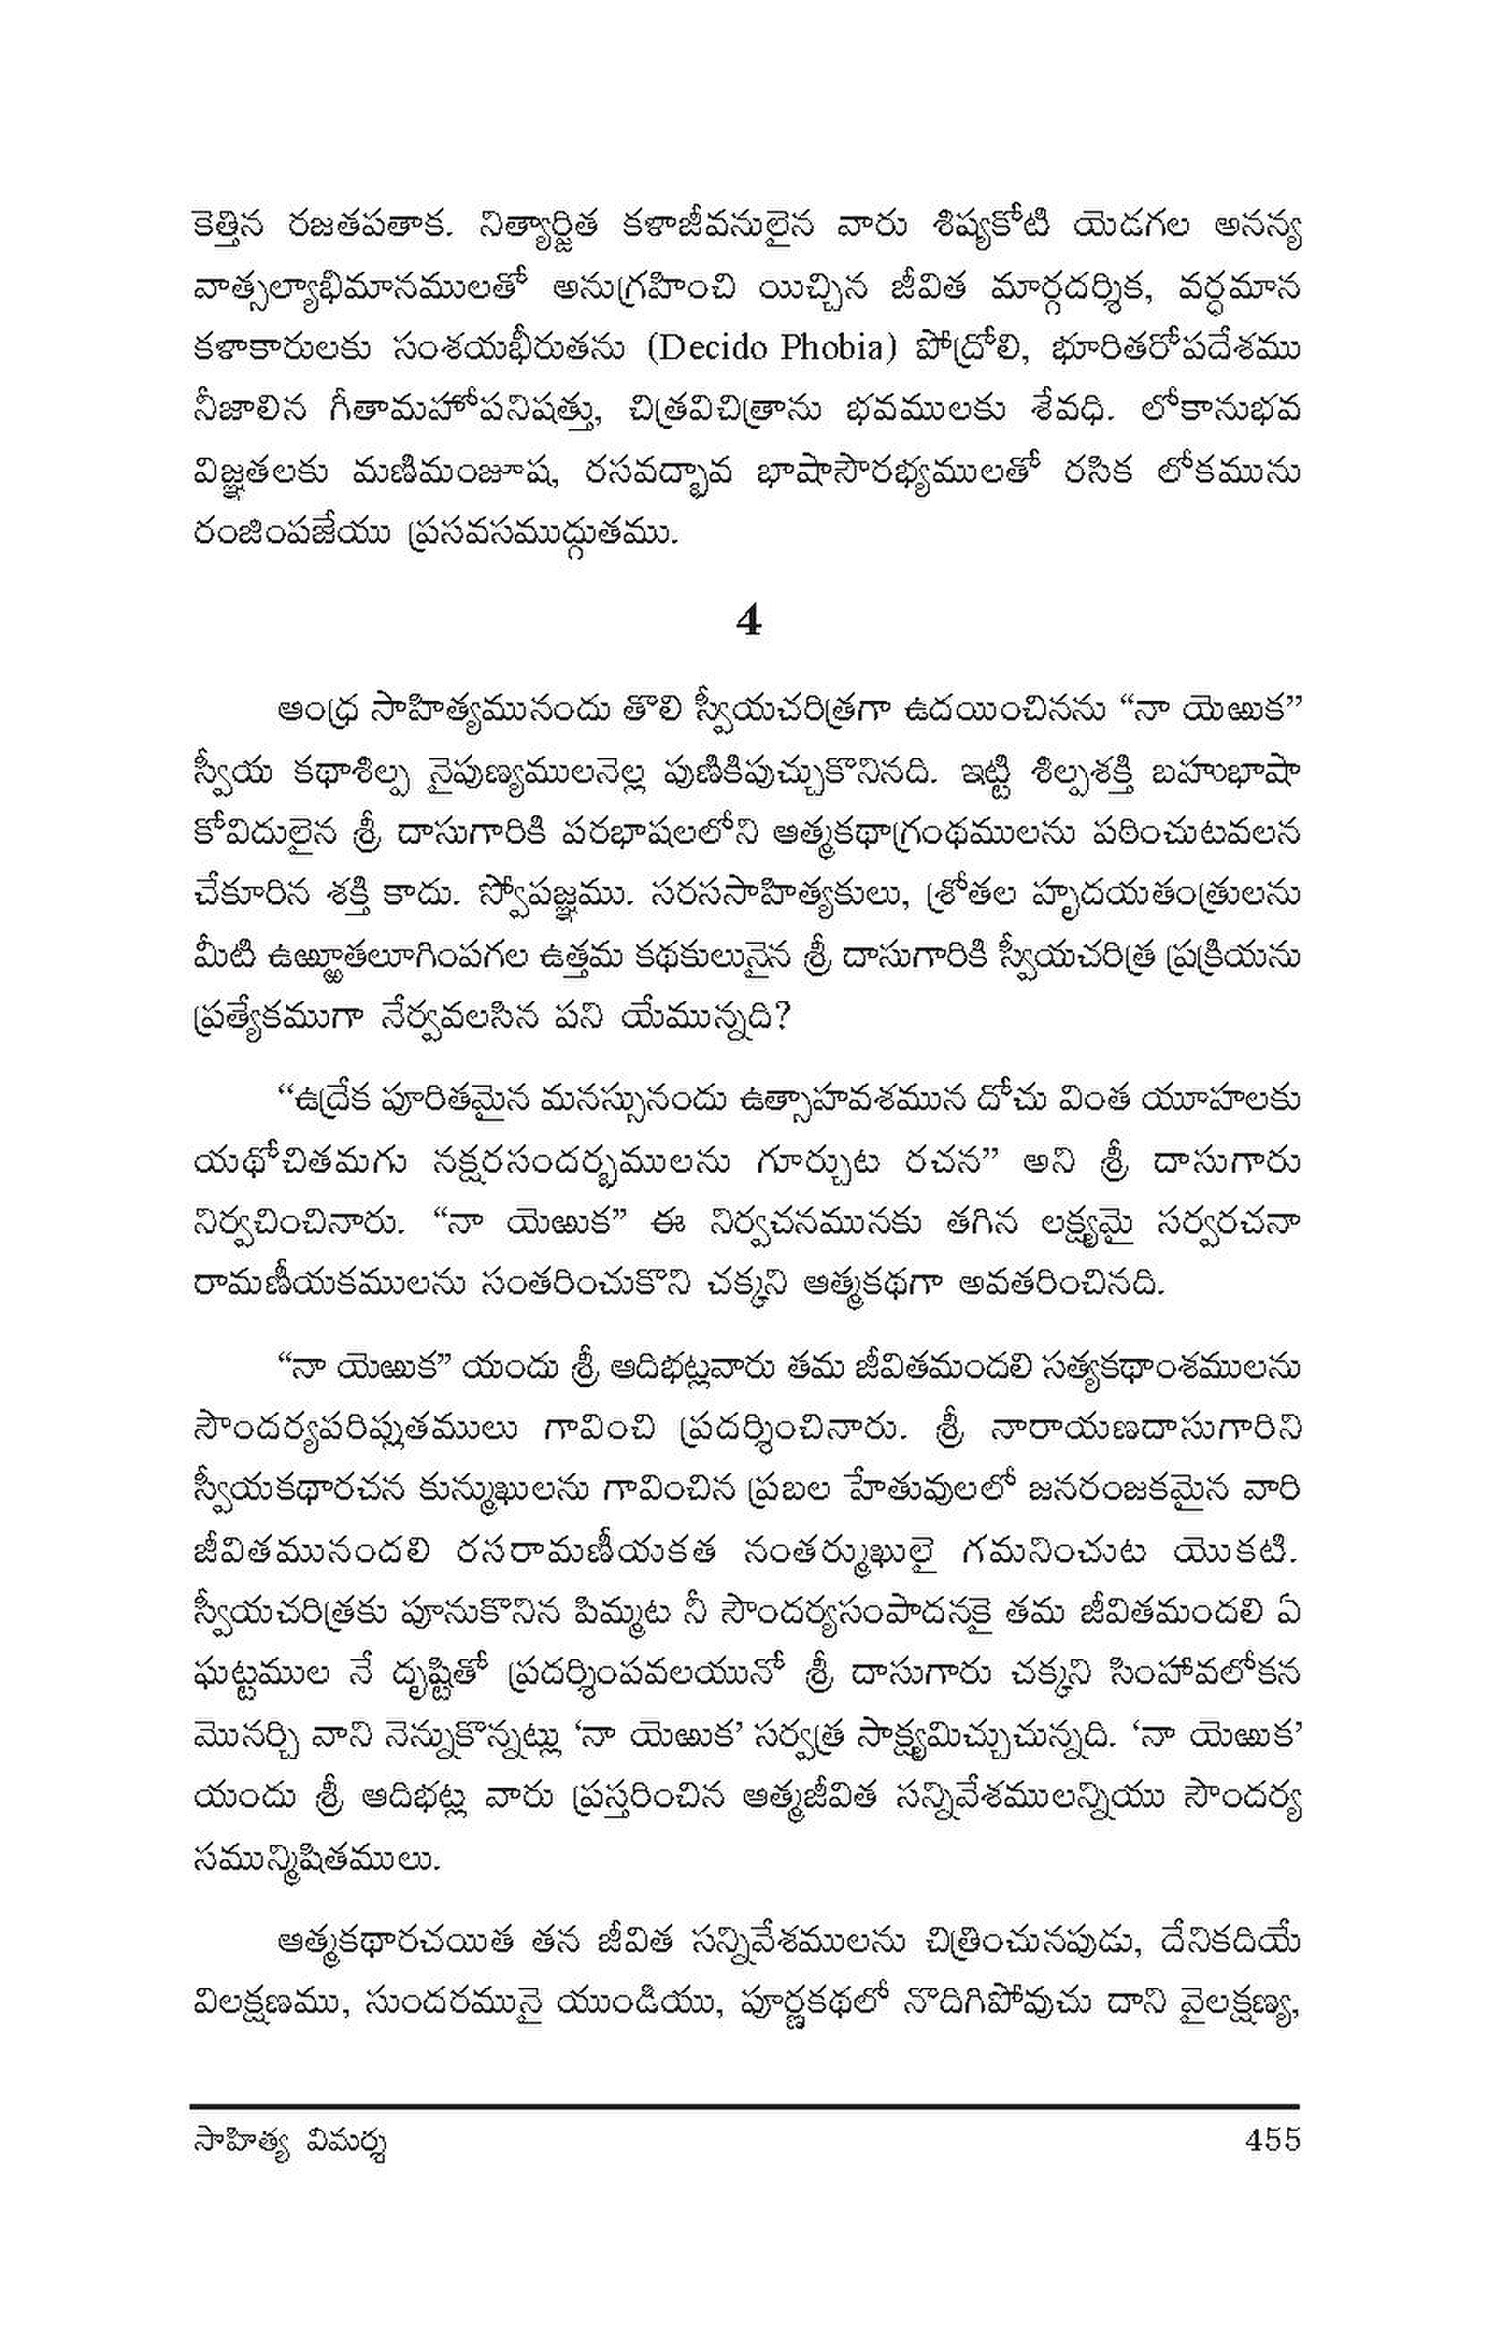కెత్తిన రజతపతాక. నిత్యార్జిత కళాజీవనులైన వారు శిష్యకోటి యెడగల అనన్య
వాత్సల్యాభిమానములతో అనుగ్రహించి యిచ్చిన జీవిత మార్గదర్శిక, వర్ధమాన
కళాకారులకు సంశయభీరుతను (Decido Phobia) పోద్రోలి, భూరితరోపదేశము
నీజాలిన గీతామహోపనిషత్తు, చిత్రవిచిత్రాను భవములకు శేవధి. లోకానుభవ
విజ్ఞతలకు మణిమంజూష, రసవద్భావ భాషాసౌరభ్యములతో రసిక లోకమును
రంజింపజేయు ప్రసవసముద్గుతము.
ఆంధ్ర సాహిత్యమునందు తొలి స్వీయచరిత్రగా ఉదయించినను “నా యెఱుక”
స్వీయ కథాశిల్ప నైపుణ్యములనెల్ల పుణికిపుచ్చుకొనినది. ఇట్టి శిల్పశక్తి బహుభాషా
కోవిదులైన శ్రీ దాసుగారికి పరభాషలలోని ఆత్మకథాగ్రంథములను పఠించుటవలన
చేకూరిన శక్తి కాదు. స్వోపజ్ఞము. సరససాహిత్యకులు, శ్రోతల హృదయతంత్రులను
మీటి ఉఱూతలూగింపగల ఉత్తమ కథకులునైన శ్రీ దాసుగారికి స్వీయచరిత్ర ప్రక్రియను
ప్రత్యేకముగా నేర్వవలసిన పని యేమున్నది?

 “ఉద్రేక పూరితమైన మనస్సునందు ఉత్సాహవశమున దోచు వింత యూహలకు యథోచితమగు నక్షరసందర్భములను గూర్చుట రచన" అని శ్రీ దాసుగారు నిర్వచించినారు. "నా యెఱుక” ఈ నిర్వచనమునకు తగిన లక్ష్యమై సర్వరచనా రామణీయకములను సంతరించుకొని చక్కని ఆత్మకథగా అవతరించినది.

 “నా యెఱుక” యందు శ్రీ ఆదిభట్లవారు తమ జీవితమందలి సత్యకథాంశములను సౌందర్యపరిప్లుతములు గావించి ప్రదర్శించినారు. శ్రీ నారాయణదాసుగారిని స్వీయకథారచన కున్ముఖులను గావించిన ప్రబల హేతువులలో జనరంజకమైన వారి జీవితమునందలి రసరామణీయకత నంతర్ముఖులై గమనించుట యొకటి. స్వీయచరిత్రకు పూనుకొనిన పిమ్మట నీ సౌందర్యసంపాదనకై తమ జీవితమందలి ఏ ఘట్టముల నే దృష్టితో ప్రదర్శింపవలయునో శ్రీ దాసుగారు చక్కని సింహావలోకన మొనర్చి వాని నెన్నుకొన్నట్లు 'నా యెఱుక' సర్వత్ర సాక్ష్యమిచ్చుచున్నది. 'నా యెఱుక' యందు శ్రీ ఆదిభట్ల వారు ప్రస్తరించిన ఆత్మజీవిత సన్నివేశములన్నియు సౌందర్య సమునిషితములు.

 ఆత్మకథారచయిత తన జీవిత సన్నివేశములను చిత్రించునపుడు, దేనికదియే విలక్షణము, సుందరమునై యుండియు, పూర్ణకథలో నొదిగిపోవుచు దాని వైలక్షణ్య,